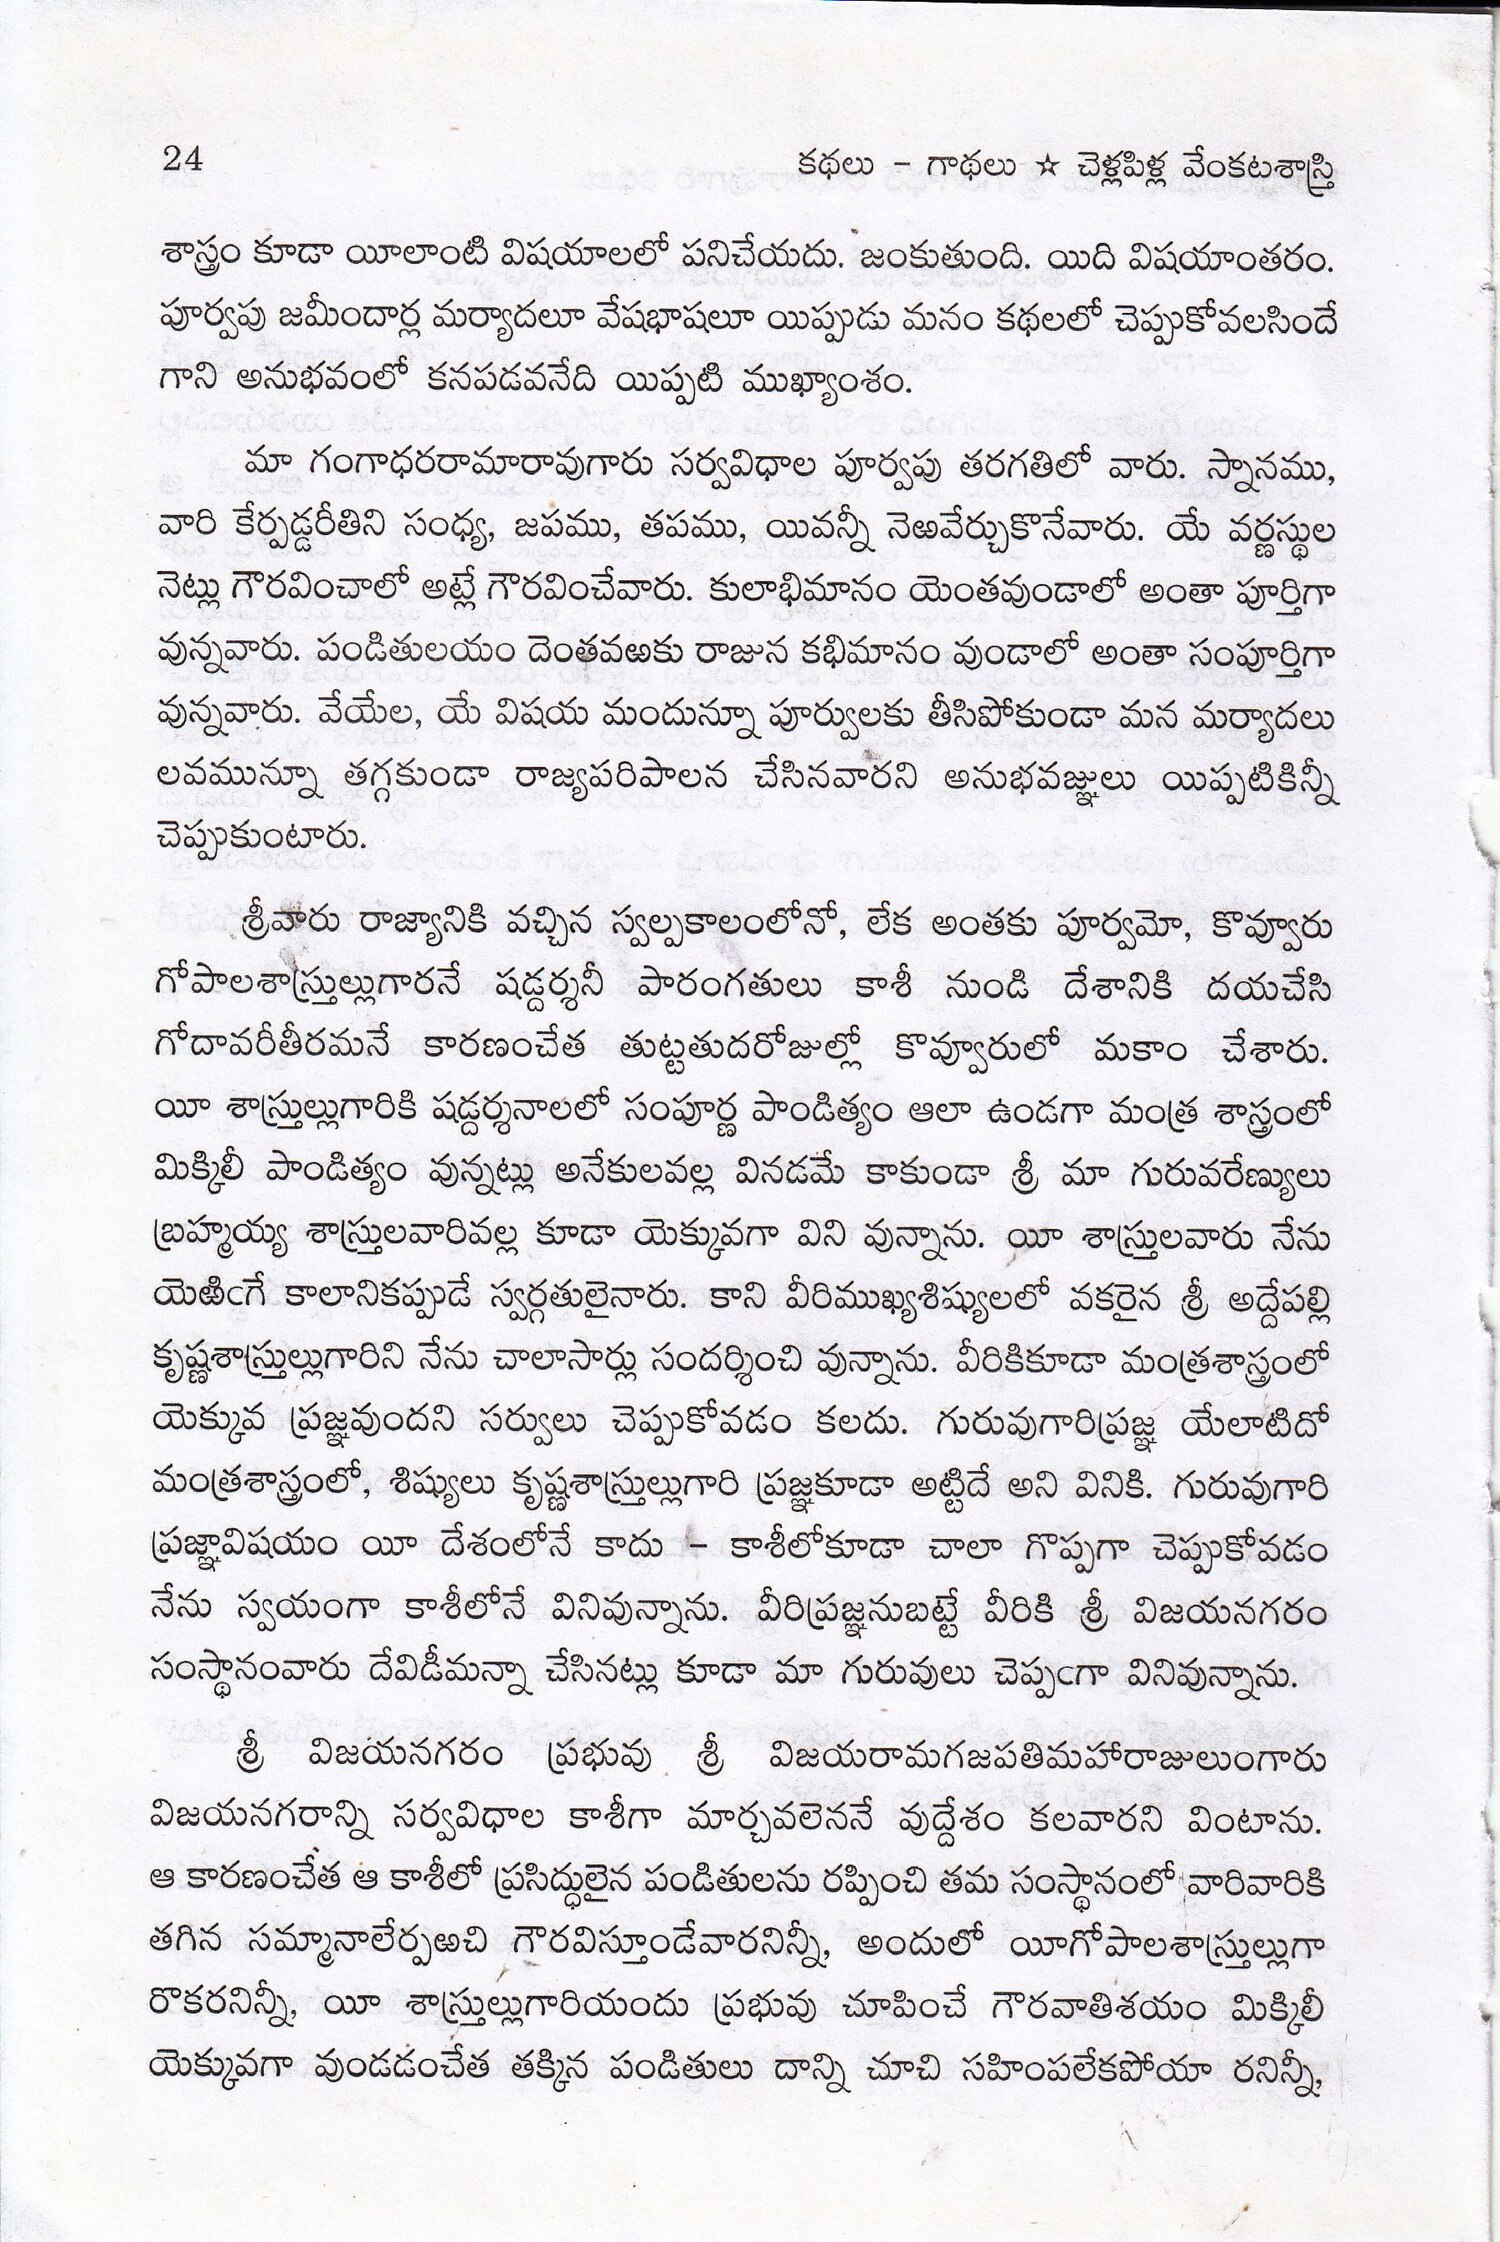శాస్త్రం కూడా యీలాంటి విషయాలలో పనిచేయదు. జంకుతుంది. యిది విషయాంతరం. పూర్వపు జమీందార్ల మర్యాదలూ వేషభాషలూ యిప్పడు మనం కథలలో చెప్పకోవలసిందే గాని అనుభవంలో కనపడవనేది యిప్పటి ముఖ్యాంశం.

మా గంగాధరరామారావుగారు సర్వవిధాల పూర్వపు తరగతిలో వారు. స్నానము, వారి కేర్పడ్డరీతిని సంధ్య, జపము, తపము, యివన్నీ నెఱవేర్చుకొనేవారు. యే వర్ణస్టుల నెట్లు గౌరవించాలో అట్లే గౌరవించేవారు. కులాభిమానం యెంతవుండాలో అంతా పూర్తిగా వున్నవారు. పండితులయం దెంతవఱకు రాజున కభీమానం వుండాలో అంతా సంపూర్తిగా వున్నవారు. వేయేల, యే విషయ మందున్నూ పూర్వులకు తీసిపోకుండా మన మర్యాదలు లవమున్నూ తగ్గకుండా రాజ్యపరిపాలన చేసినవారని అనుభవజ్ఞలు యిప్పటికిన్నీ చెప్పకుంటారు.

శ్రీవారు రాజ్యానికి వచ్చిన స్వల్పకాలంలోనో, లేక అంతకు పూర్వమో, కొవ్వూరు గోపాలశాస్రులుగారనే షడ్డర్శనీ పారంగతులు కాశీ నుండి దేశానికి దయచేసి గోదావరీతీరమనే కారణంచేత తుట్టతుదరోజుల్లో కొవ్వూరులో మకాం చేశారు. యీ శాస్రుల్లుగారికి షడ్డర్శనాలలో సంపూర్ణ పాండిత్యం ఆలా ఉండగా మంత్ర శాస్త్రంలో మిక్కిలీ పాండిత్యం వున్నట్లు అనేకులవల్ల వినడమే కాకుండా శ్రీ మా గురువరేణ్యులు బ్రహ్మయ్య శాస్రులవారివల్ల కూడా యొక్కువగా విని వున్నాను. యీ శాస్రులవారు నేను యెటింగే కాలానికప్పుడే స్వర్ణతులైనారు. కాని వీరిముఖ్యశిష్యులలో వకరైన శ్రీ అద్దేపల్లి కృష్ణశాస్రుల్లగారిని నేను చాలాసార్లు సందర్శించి వున్నాను. వీరికికూడా మంత్రశాస్త్రంలో యొక్కువ ప్రజ్ఞవుందని సర్వులు చెప్పకోవడం కలదు. గురువుగారి ప్రజ్ఞ యేలాటిదో మంత్రశాస్త్రంలో, శిష్యులు కృష్ణశాస్రుల్లుగారి ప్రజ్ఞకూడా అట్టిదే అని వినికి. గురువుగారి ప్రజ్ఞావిషయం యీ దేశంలోనే కాదు - కాశీలోకూడా చాలా గొప్పగా చెప్పకోవడం నేను స్వయంగా కాశీలోనే వినివున్నాను. వీరి ప్రజ్ఞనుబట్టే వీరికి శ్రీ విజయనగరం సంస్థానంవారు దేవిడీమన్నా చేసినట్లు కూడా మా గురువులు చెప్పఁగా వినివున్నాను.

శ్రీ విజయనగరం ప్రభువు శ్రీ విజయరామగజపతిమహారాజులుంగారు విజయనగరాన్ని సర్వవిధాల కాశీగా మార్చవలెననే వుద్దేశం కలవారని వింటూను. ఆ కారణంచేత ఆ కాశీలో ప్రసిద్దులైన పండితులను రప్పించి తమ సంస్థానంలో వారివారికి తగిన సమ్మానాలేర్పఱచి గౌరవిస్తూండేవారనిన్నీ అందులో యీగోపాలశాస్రుల్లుగా రొకరనిన్నీ యీ శాస్రుల్లుగారియందు ప్రభువు చూపించే గౌరవాతిశయం మిక్కిలీ యొక్కువగా వుండడంచేత తక్కిన పండితులు దాన్ని చూచి సహింపలేకపోయారనిన్నీ